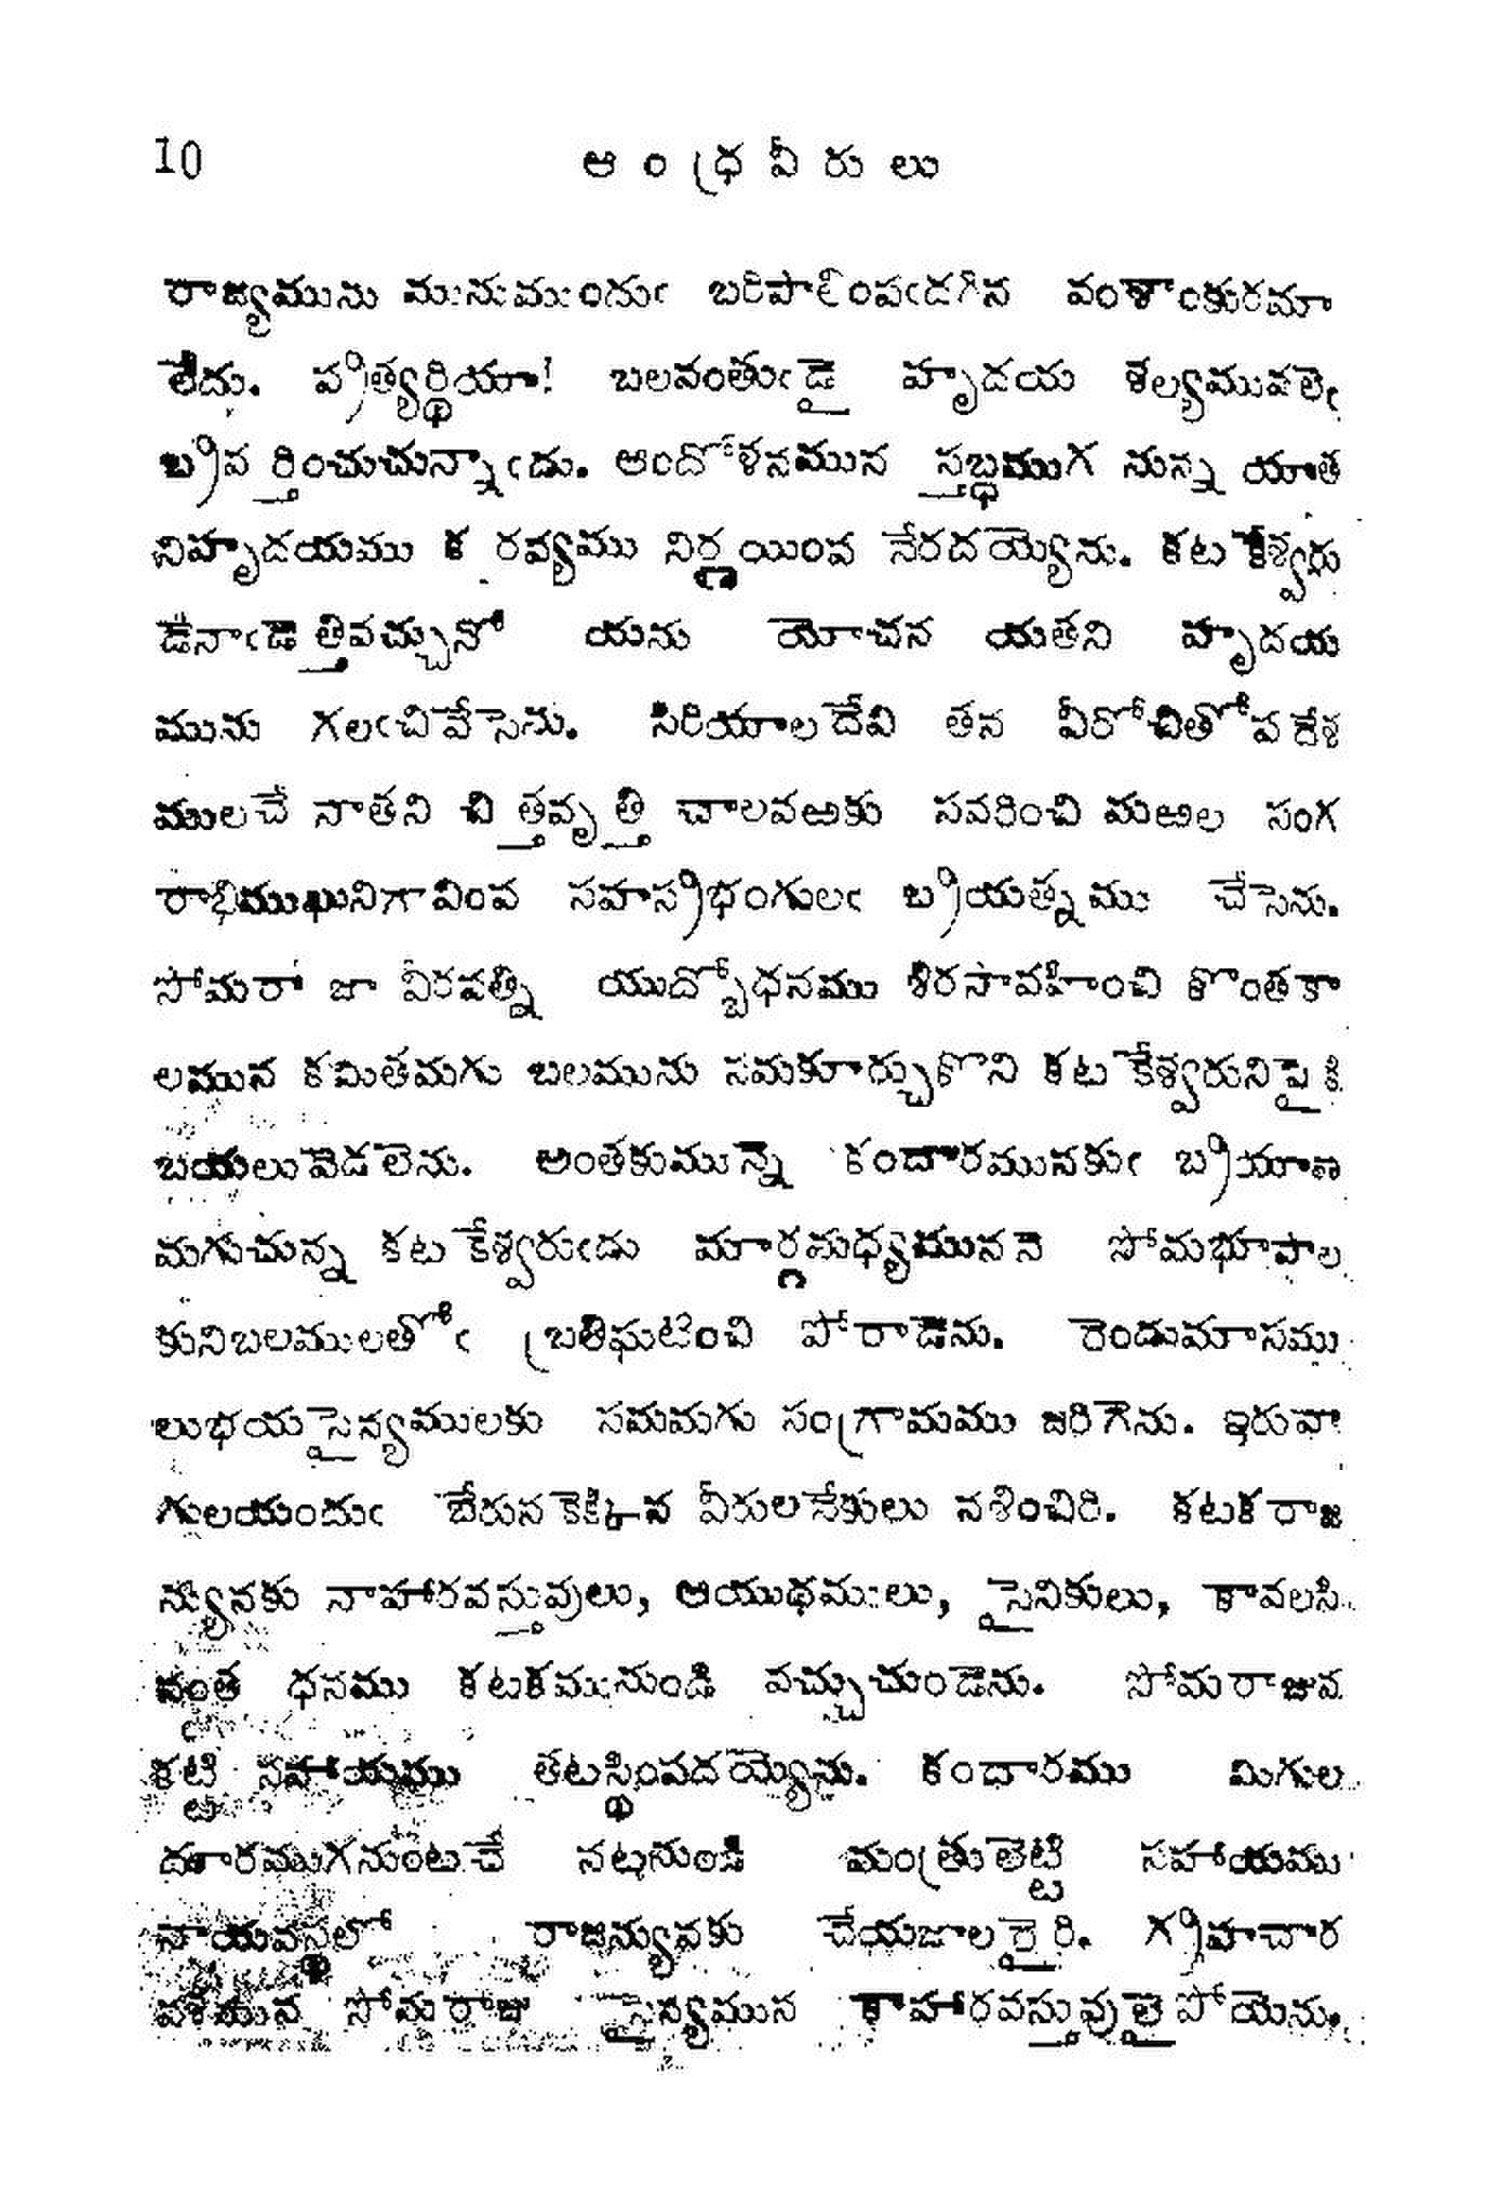రాజ్యమును మునుముందు బరిపాలింపదగిన వంశాంకురమా లేదు. ప్రత్యర్థియా! బలవంతుడై హృదయ శల్యమువలె బ్రవర్తించుచున్నాడు. ఆందోళనమున స్తబ్ధముగ నున్న యాతనిహృదయము కర్తవ్యము నిర్ణయింప నేరదయ్యెను. కటకేశ్వరు డేనాడెత్తివచ్చునో యను యోచన యతని హృదయమును గలచివేసెను. సిరియాలదేవి తన వీరోచితోపదేశములచే నాతని చిత్తవృత్తి చాలవఱకు సవరించి మఱల సంగరాభిముఖుని గావింప సహస్రభంగుల బ్రయత్నము చేసెను. సోమరా జా వీరపత్ని యుద్బోధనము శిరసావహించి కొంతకాలమున కమితమగు బలమును సమకూర్చుకొని కటకేశ్వరునిపైకి బయలువెడలెను. అంతకుమున్నె కందారమునకు బ్రయాణమగుచున్న కటకేశ్వరుడు మార్గమధ్యముననె సోమభూపాలకుని బలముతో బ్రతిఘటించి పోరాడెను. రెండుమాసము లుభయసైన్యములకు సమమగు సంగ్రామము జరిగెను. ఇరువాగులయందు బేరునకెక్కిన వీరులనేకులు నశించిరి. కటకరాజన్యునకు నాహారవస్తువులు, ఆయుధములు, సైనికులు, కావలసినంత ధనము కటకమునుండి వచ్చుచుండెను. సోమరాజున కట్టి సహాయము తటస్థింపదయ్యెను. కందారము మిగుల దూరముగనుంటచే నటనుండి మంత్రులెట్టి సహాయము నాయవస్థలో రాజన్యునకు చేయజాలరైరి. గ్రహచారవశమున సోమరాజు సైన్యమున కాహారవస్తువులైపోయెను.